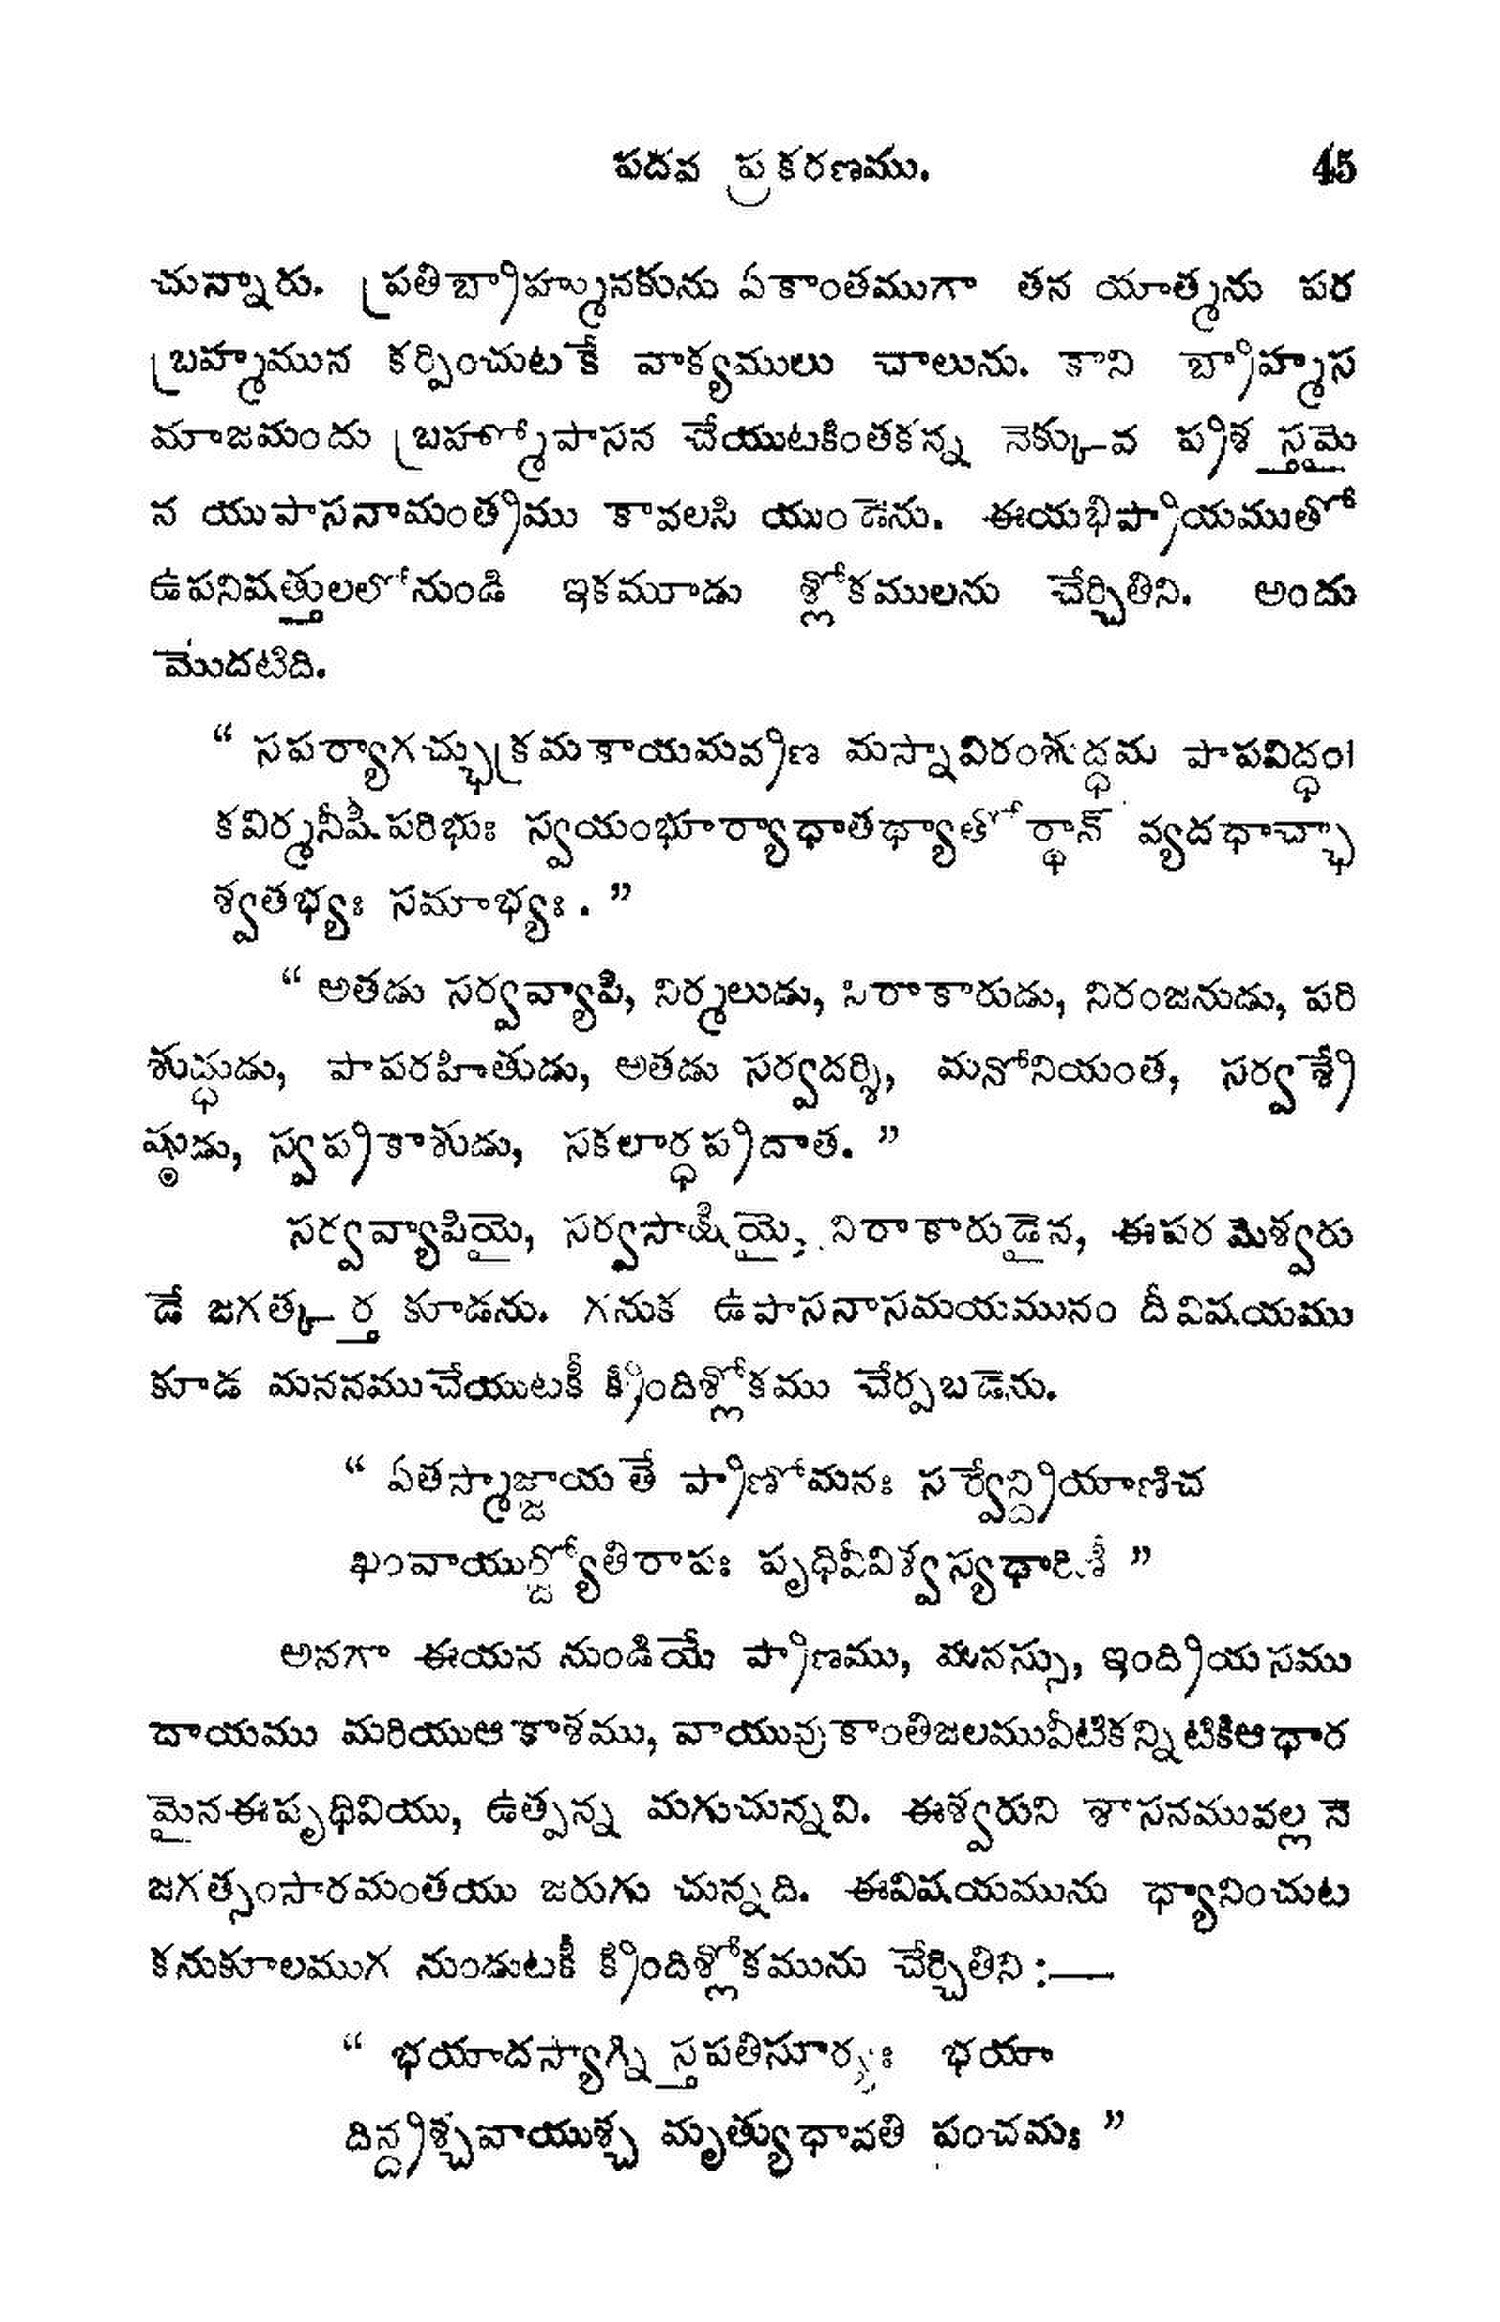చున్నారు. ప్రతి బాహ్మునకును ఏకాంతముగా తన యాత్మను పర
బ్రహ్మమున కర్పించుటకే వాక్యములు చాలును. కాని బాహ్మ సమాజమందు
బ్రహ్మోపాసన చేయుటకింతకన్న నెక్కువ ప్రశస్తమైన యుపాసనా మంత్రము కావలసి యుండెను. ఈయభిప్రాయముతో ఉపనిషత్తులలో నుండి ఇకమూడు శ్లోకములను చేర్చితిని. అందు మొదటిది.

సపర్యాగచ్ఛుగక్రమకాయమవ్రణ మస్నా విరంశుద్ధమ పారవిద్ధం|
కవిర్మనీషి పరిభుః స్వయంభూర్యాద్వోత థ్యాతోర్దాన్ వ్యదధాచ్ఛాశ్వతభ్యః సమాభ్యః |"

"అతడు సర్వవ్యాపి, నిర్మలుడు, నిరాకారుడు, నిరంజనుడు, పరిశుద్ధుడు, పాపరహితుడు, అతడు సర్వదర్శి, మనోనియంత, సర్వ శ్రేష్టుడు, స్వప్రకాశుడు, సకలార్ధ ప్రదాత, 'సర్వవ్యాపియై, సర్వసాక్షియై, నిరాకారుడైన, ఈపర మేశ్వరుడే జగత్కర్త కూడను. గనుక ఉపాసనాసమయమునం దీవిషయము కూడ మననము చేయుటకీ కిందిశ్లోకము చేర్చబడెను.

" ఏతస్మాజాయ తే ప్రాణోమనః సర్వతైయాణిచ
ఖవాయుర్జోతి రాపః పృధివీవిశ్వస్య ధారి "

అనగా ఈయన నుండియే ప్రాణము, మనస్సు, ఇంద్రియ సముదాయము మరియు ఆకాశము, వాయువు కాంతిజలమునీటికన్నిటికీ ఆధారమైన ఈ పృథివియు, ఉత్పన్న మగుచున్నవి. ఈశ్వరుని శాసనమువల్ల నే జగత్సంసారమంతయు జరుగు చున్నది. ఈవిషయమును ధ్యానించుట కనుకూలముగ నుండుటకీ కింది శ్లోకమును చేర్చితిని :-

భయాదస్యాగ్ని స్తపతిసూర్య : భయా
దింద్రశ్చవాయుశ్చ మృత్యు ధావతి పంచమః "